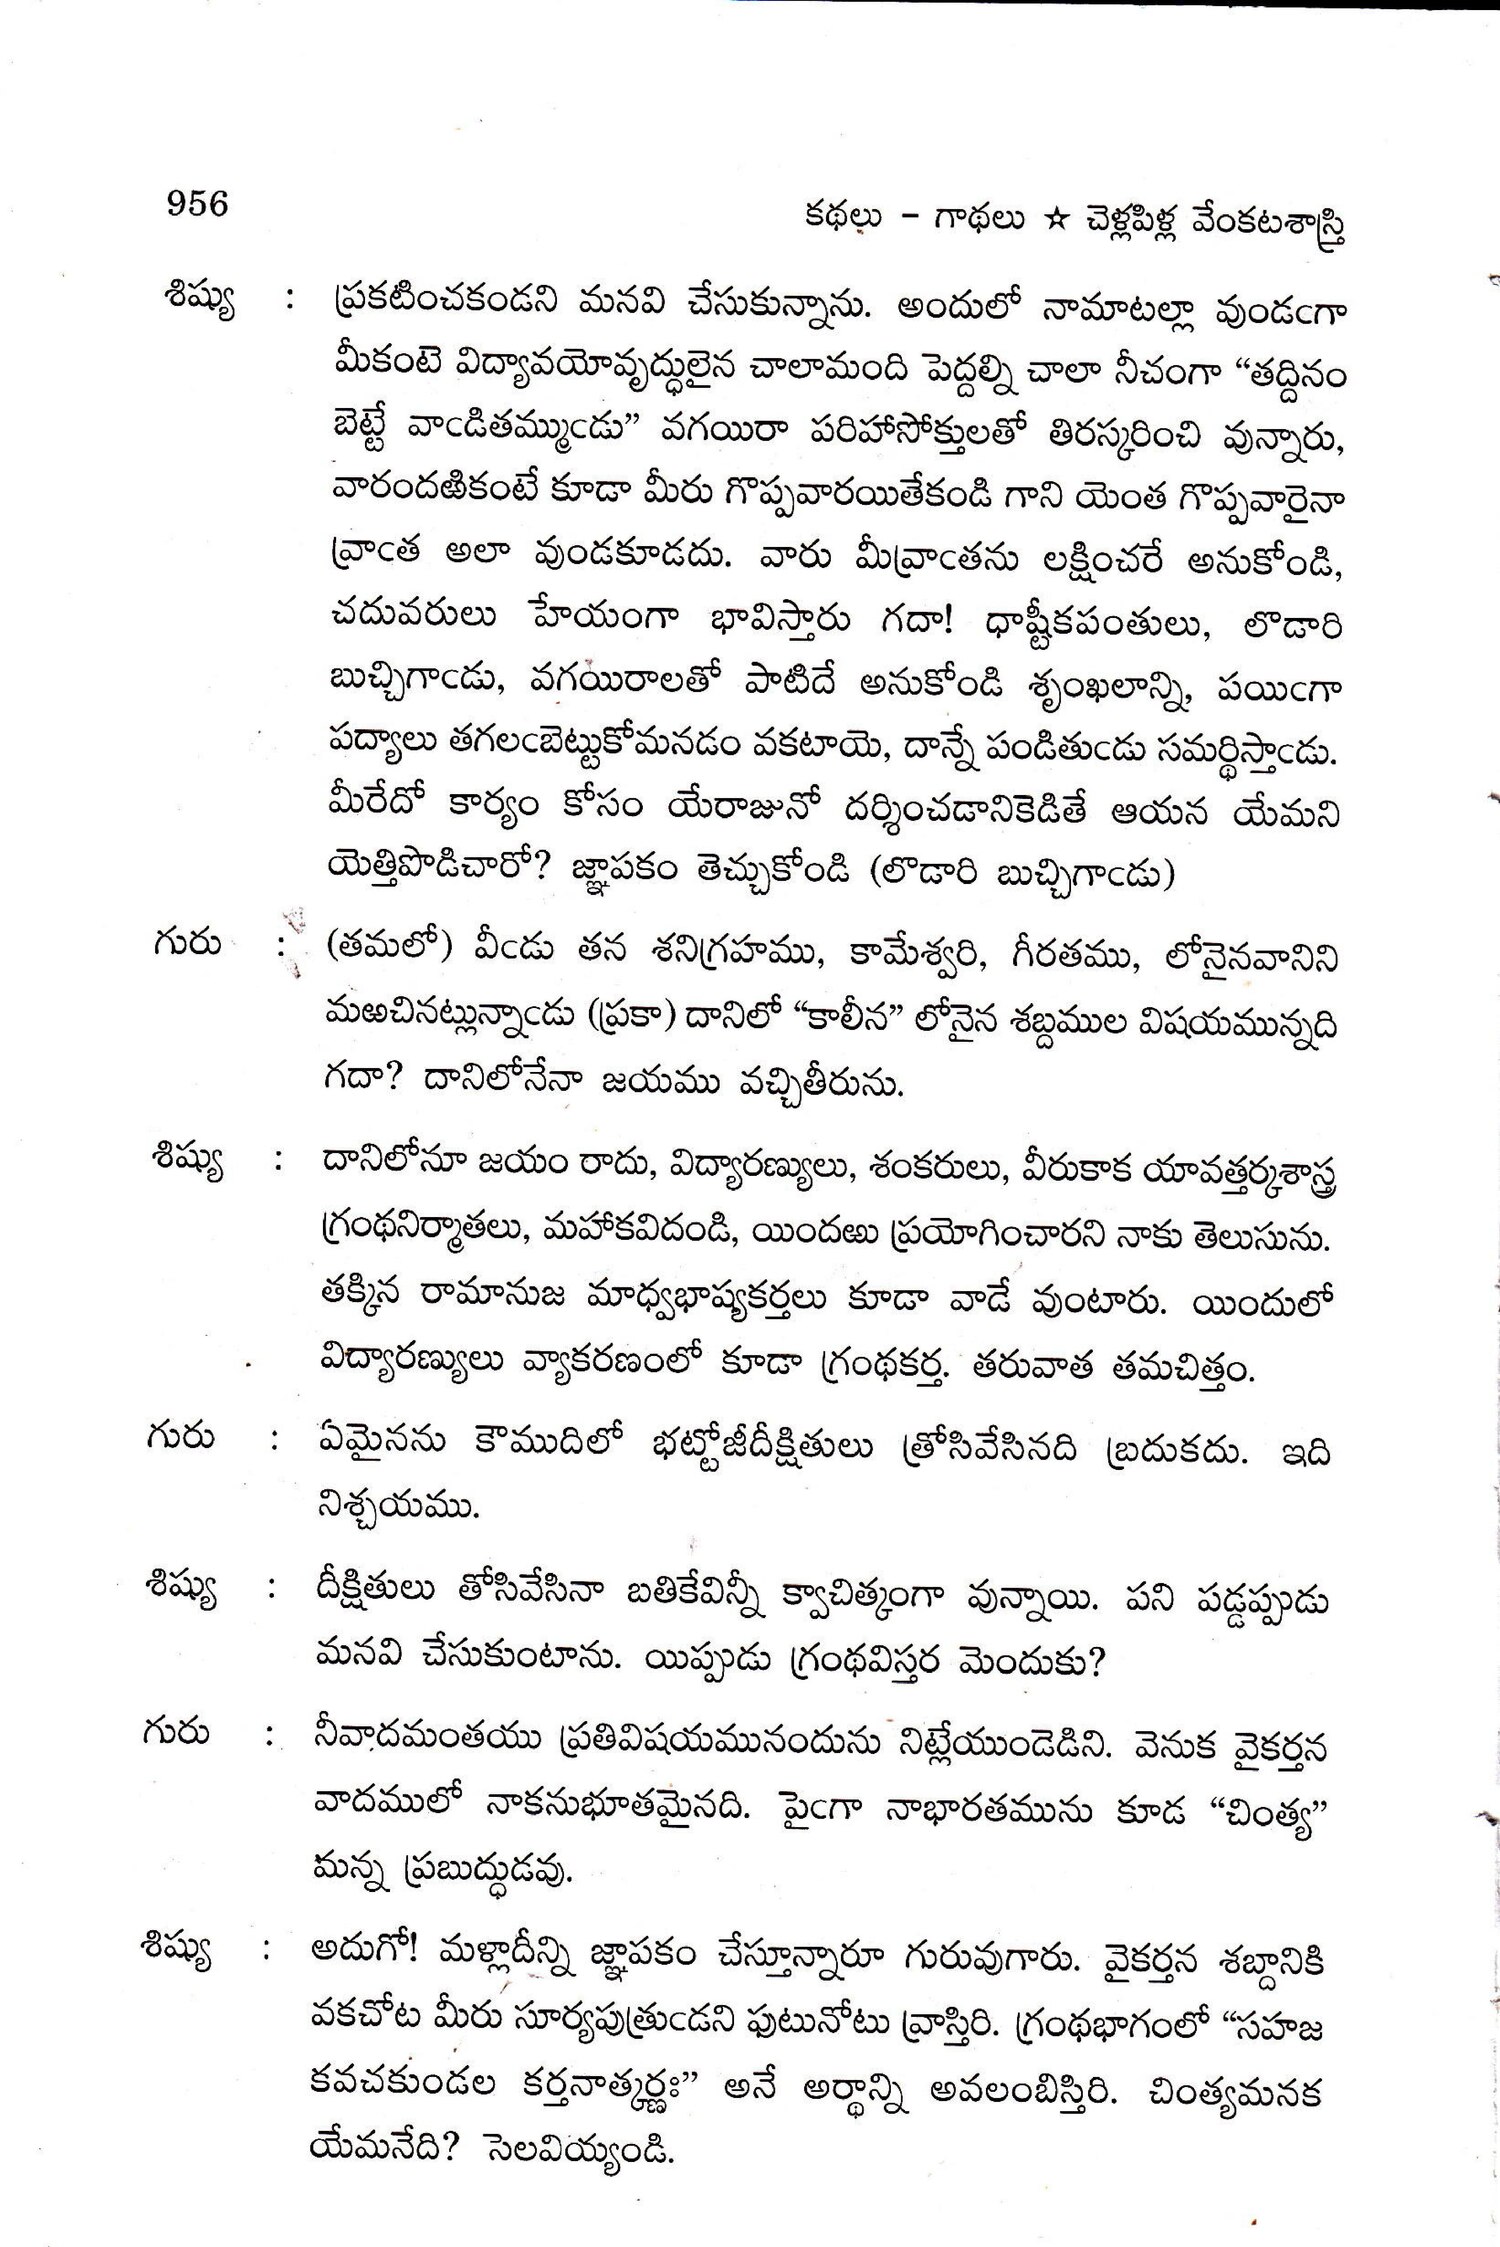శిష్యు : ప్రకటించకండని మనవి చేసుకున్నాను. అందులో నామాటల్లా వుండఁగా మీకంటె విద్యావయోవృద్దులైన చాలామంది పెద్దల్ని చాలా నీచంగా "తద్దినం బెట్టే వాఁడితమ్ముఁడు” వగయిరా పరిహాసోక్తులతో తిరస్కరించి వున్నారు, వారందఱికంటే కూడా మీరు గొప్పవారయితేకండి గాని యెంత గొప్పవారైనా వ్రాఁత అలా వుండకూడదు. వారు మీవ్రాఁతను లక్షించరే అనుకోండి, చదువరులు హేయంగా భావిస్తారు గదా! ధాష్టీకపంతులు, లొడారి బుచ్చిగాఁడు, వగయిరాలతో పాటిదే అనుకోండి శృంఖలాన్ని, పయిఁగా పద్యాలు తగలఁబెట్టుకోమనడం వకటాయె, దాన్నే పండితుఁడు సమర్ధిస్తాఁడు. మీరేదో కార్యం కోసం యేరాజునో దర్శించడానికెడితే ఆయన యేమని యెత్తిపొడిచారో? జ్ఞాపకం తెచ్చుకోండి (లొడారి బుచ్చిగాఁడు)

గురు : (తమలో) వీఁడు తన శనిగ్రహము, కామేశ్వరి, గీరతము, లోనైనవానిని మఱచినట్లున్నాఁడు (ప్రకా) దానిలో "కాలీన" లోనైన శబ్దముల విషయమున్నది గదా? దానిలోనేనా జయము వచ్చితీరును.

శిష్యు : దానిలోనూ జయం రాదు, విద్యారణ్యులు, శంకరులు, వీరుకాక యావత్తర్కశాస్త్ర గ్రంథనిర్మాతలు, మహాకవిదండి, యిందఱు ప్రయోగించారని నాకు తెలుసును. తక్కిన రామానుజ మాధ్వభాష్యకర్తలు కూడా వాడే వుంటారు. యిందులో విద్యారణ్యులు వ్యాకరణంలో కూడా గ్రంథకర్త. తరువాత తమచిత్తం.

గురు : ఏమైనను కౌముదిలో భట్టోజీదీక్షితులు త్రోసివేసినది బ్రదుకదు. ఇది నిశ్చయము.

శిష్యు : దీక్షితులు తోసివేసినా బతికేవిన్నీ క్వాచిత్కంగా వున్నాయి. పని పడ్డప్పుడు మనవి చేసుకుంటాను. యిప్పుడు గ్రంథవిస్తర మెందుకు? -

గురు : నీవాదమంతయు ప్రతివిషయమునందును నిట్లేయుండెడిని. వెనుక వైకర్తన వాదములో నాకనుభూతమైనది. పైఁగా నాభారతమును కూడ "చింత్య" మన్న ప్రబుద్దుడవు.

శిష్యు : అదుగో! మళ్లాదీన్ని జ్ఞాపకం చేస్తూన్నారూ గురువుగారు. వైకర్తన శబ్దానికి వకచోట మీరు సూర్యపుత్రుఁడని ఫుటునోటు వ్రాస్తిరి. గ్రంథభాగంలో "సహజ కవచకుండల కర్తనాత్కర్ణః" అనే అర్ధాన్ని అవలంబిస్తిరి. చింత్యమనక యేమనేది? సెలవియ్యండి.